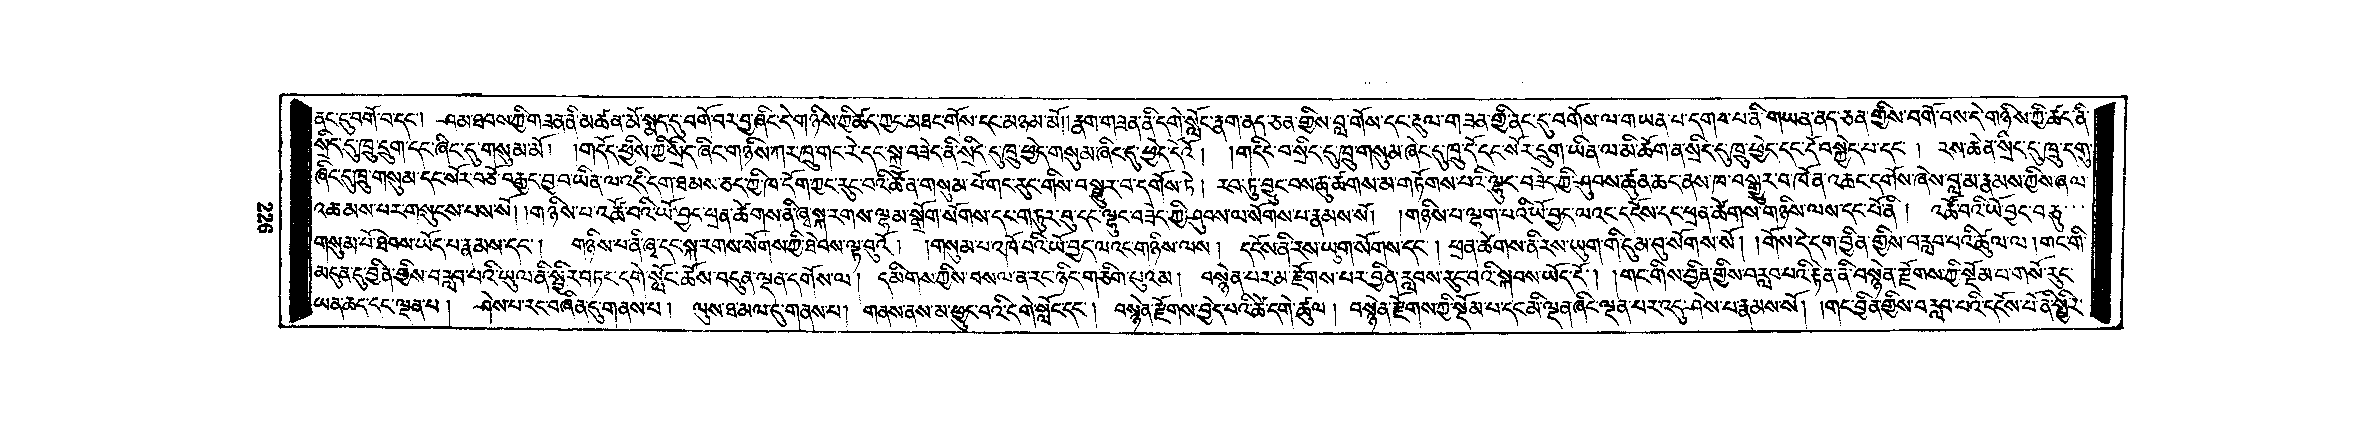ནང་དུ་བགོ་བ་དང་། ཤམ་ཐབས་ཀྱི་གཟན་ནི་མཚན་མོ་སྨད་དུ་བགོ་བར་བྱ་ཞིང་དེ་གཉིས་ཀྱི་ཚད་ཀྱང་མཐང་གོས་དང་མཉམ་མོ། །རྣག་གཟན་ནི་དགེ་སློང་རྣག་ནད་ཅན་གྱིས་བླ་གོས་དང་རྡུལ་གཟན་གྱི་ནང་དུ་བགོས་ལ་གཡན་པ་དགབ་པ་ནི་གཡན་ནད་ཅན་གྱིས་བགོ་བས་དེ་གཉིས་ཀྱི་ཚད་ནི་
སྲིད་དུ་ཁྲུ་དྲུག་དང་ཞིང་དུ་གསུམ་མོ། །གདོད་ཕྱིས་ཀྱི་སྲིད་ཞིང་གཉིས་ཀར་ཁྲུ་གང་རེ་དང་སྐྲ་བཟེད་ནི་སྲིད་དུ་ཁྲུ་ཕྱེད་གསུམ་ཞིང་དུ་ཕྱེད་དོའོ། །གདིང་བ་སྲིད་དུ་ཁྲུ་གསུམ་ཞེང་དུ་ཁྲུ་དོ་དང་སོར་དྲུག་ཡིན་ལ་མི་ཆོག་ན་སྲིད་དུ་ཁྲུ་ཕྱེད་དང་དོ་བསྐྱེད་པ་དང་། རས་ཆེན་སྲིད་དུ་ཁྲུ་དགུ་
ཞིང་དུ་ཁྲུ་གསུམ་དང་སོར་བཅོ་བརྒྱད་བྱ་བ་ཡིན་ལ་འདི་དག་ཐམས་ཅད་ཀྱི་ཁ་དོག་ཀྱང་རུང་བའི་ཆོ་ན་གསུམ་པོ་གང་རུང་གིས་བསྒྱུར་བ་དགོས་ཏེ། རབ་ཏུ་བྱུང་བས་ཆུ་ཚགས་མ་གཏོགས་པའི་ལྷུང་བཟེད་ཀྱི་ཤུབས་ཚུན་ཆད་ནས་ཁ་བསྒྱུར་བ་ཁོ་ན་འཆང་དགོས་ཞེས་བླ་མ་རྣམས་ཀྱིས་ཞལ་
འཆམས་པར་གསུངས་པས་སོ། །གཉིས་པ་འཚོ་བའི་ཡོ་བྱད་ཕྲན་ཚེགས་ནི་ཞྭ་སྐ་རགས་ལྷམ་སྒྲོག་སོགས་དང་གཏུར་བུ་དང་ལྷུང་བཟེད་ཀྱི་ཤུབས་ལ་སོགས་པ་རྣམས་སོ། །གཉིས་པ་ལྷག་པའི་ཡོ་བྱད་ལའང་དངོས་དང་ཕྲན་ཚེགས་གཉིས་ལས་དང་པོ་ནི། འཚོ་བའི་ཡོ་བྱད་བཅུ་
གསུམ་པོ་ཐེབས་ཡོད་པ་རྣམས་དང་། གཉིས་པ་ནི་ཞྭ་དང་སྐ་རགས་སོགས་ཀྱི་ཐེབས་ལྟ་བུའོ། །གསུམ་པ་འཁོ་བའི་ཡོ་བྱད་ལའང་གཉིས་ལས། དངོས་ནི་རས་ཡུག་སོགས་དང་། ཕྲན་ཚེགས་ནི་རས་ཡུག་གི་དུམ་བུ་སོགས་སོ། །གོས་དེ་དག་བྱིན་གྱིས་བརླབ་པའི་ཚུལ་ལ། གང་གི་
མདུན་དུ་བྱིན་གྱིས་བརླབ་པའི་ཡུལ་ནི་སྤྱིར་བཏང་དགེ་སློང་ཆོས་བདུན་ལྡན་དགོས་ལ། དམིགས་ཀྱིས་བསལ་ན་རང་ཉིད་གཅིག་པུའམ། བསྙེན་པར་མ་རྫོགས་པར་བྱིན་རླབས་རུང་བའི་སྐབས་ཡོད་དོ། །གང་གིས་བྱིན་གྱིས་བརླབ་པའི་རྟེན་ནི་བསྙེན་རྫོགས་ཀྱི་སྡོམ་པ་གསོ་རུང་
ཡན་ཆད་དང་ལྡན་པ། ཤེས་པ་རང་བཞིན་དུ་གནས་པ། ལུས་ཐ་མལ་དུ་གནས་པ། གནས་ནས་མ་ཕྱུང་བའི་དགེ་སློང་དང་། བསྙེན་རྫོགས་བྱེད་པའི་ཚེ་དགེ་ཚུལ། བསྙེན་རྫོགས་ཀྱི་སྡོམ་པ་དང་མི་ལྡན་ཞིང་ལྡན་པར་འདུ་ཤེས་པ་རྣམས་སོ། །གང་བྱིན་གྱིས་བརླབ་པའི་དངོས་པོ་ནི་སྤྱིར་